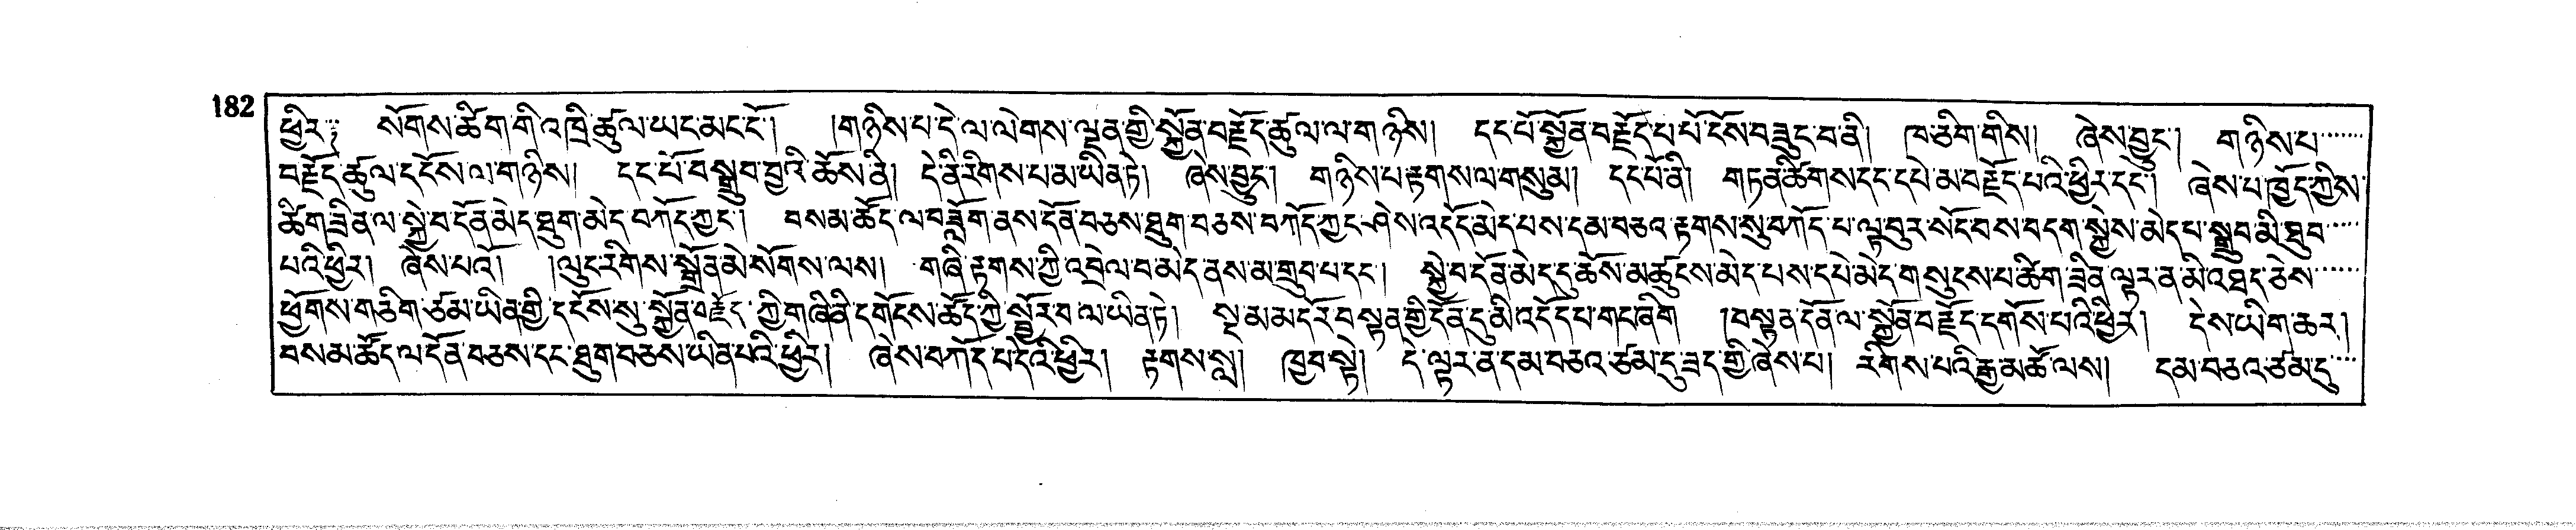ཕྱིར༑ སོགས་ཚིག་གི་འཁྲི་ཚུལ་ཡང་མང་ངོ། །གཉིས་པ་དེ་ལ་ལེགས་ལྡན་གྱི་སྐྱོན་བརྗོད་ཚུལ་ལ་གཉིས། དང་པོ་སྐྱོན་བརྗོད་པ་པོ་ངོས་བཟུང་བ་ནི། ཁ་ཅིག་གིས། ཞེས་བྱུང་། གཉིས་པ་
བརྗོད་ཚུལ་དངོས་ལ་གཉིས། དང་པོ་བསྒྲུབ་བྱའི་ཆོས་ནི། དེ་ནི་རིགས་པ་མ་ཡིན་ཏེ། ཞེས་བྱུང་། གཉིས་པ་རྟགས་ལ་གསུམ། དང་པོ་ནི། གཏན་ཚིགས་དང་དཔེ་མ་བརྗོད་པའི་ཕྱིར་དང་། ཞེས་པ་ཁྱོད་ཀྱིས་
ཚིག་ཟིན་ལ་སྐྱེ་བ་དོན་མེད་ཐུག་མེད་བཀོད་ཀྱང་། བསམ་ཚོད་ལ་བཟློག་ནས་དོན་བཅས་ཐུག་བཅས་བཀོད་ཀྱང་ཤེས་འདོད་མེད་པས་དམ་བཅའ་རྟགས་སུ་བཀོད་པ་ལྟ་བུར་སོང་བས་བདག་སྐྱེས་མེད་པ་སྒྲུབ་མི་ཐུབ་
པའི་ཕྱིར། ཞེས་པའོ། །ལུང་རིགས་སྒྲོན་མེ་སོགས་ལས། གཞི་རྟགས་ཀྱི་འབྲེལ་བ་མེད་ནས་མ་གྲུབ་པ་དང་། སྐྱེ་བ་དོན་མེད་དུ་ཆོས་མཚུངས་མེད་པས་དཔེ་མེད་གསུངས་པ་ཚིག་ཟིན་ལྟར་ན་མི་འཐད་ཅེས་
ཕྱོགས་གཅིག་ཙམ་ཡིན་གྱི་དངོས་སུ་སྐྱོན་བརྗོད་ཀྱི་གཞི་ནི་དགོངས་ཚོད་ཀྱི་སྦྱོར་བ་ལ་ཡིན་ཏེ། སྔ་མ་མདོར་བསྟན་གྱི་དོན་དུ་མི་འདོད་པ་གང་ཞིག །བསྟན་དོན་ལ་སྐྱོན་བརྗོད་དགོས་པའི་ཕྱིར། དེས་ཡིག་ཆར།
བསམ་ཚོད་ལ་དོན་བཅས་དང་ཐུག་བཅས་ཡིན་པའི་ཕྱིར། ཞེས་བཀོད་པ་དེའི་ཕྱིར། རྟགས་སླ། ཁྱབ་སྟེ། དེ་ལྟར་ན་དམ་བཅའ་ཙམ་དུ་ཟད་གྱི་ཞེས་པ། རིགས་པའི་རྒྱ་མཚོ་ལས། དམ་བཅའ་ཙམ་དུ་